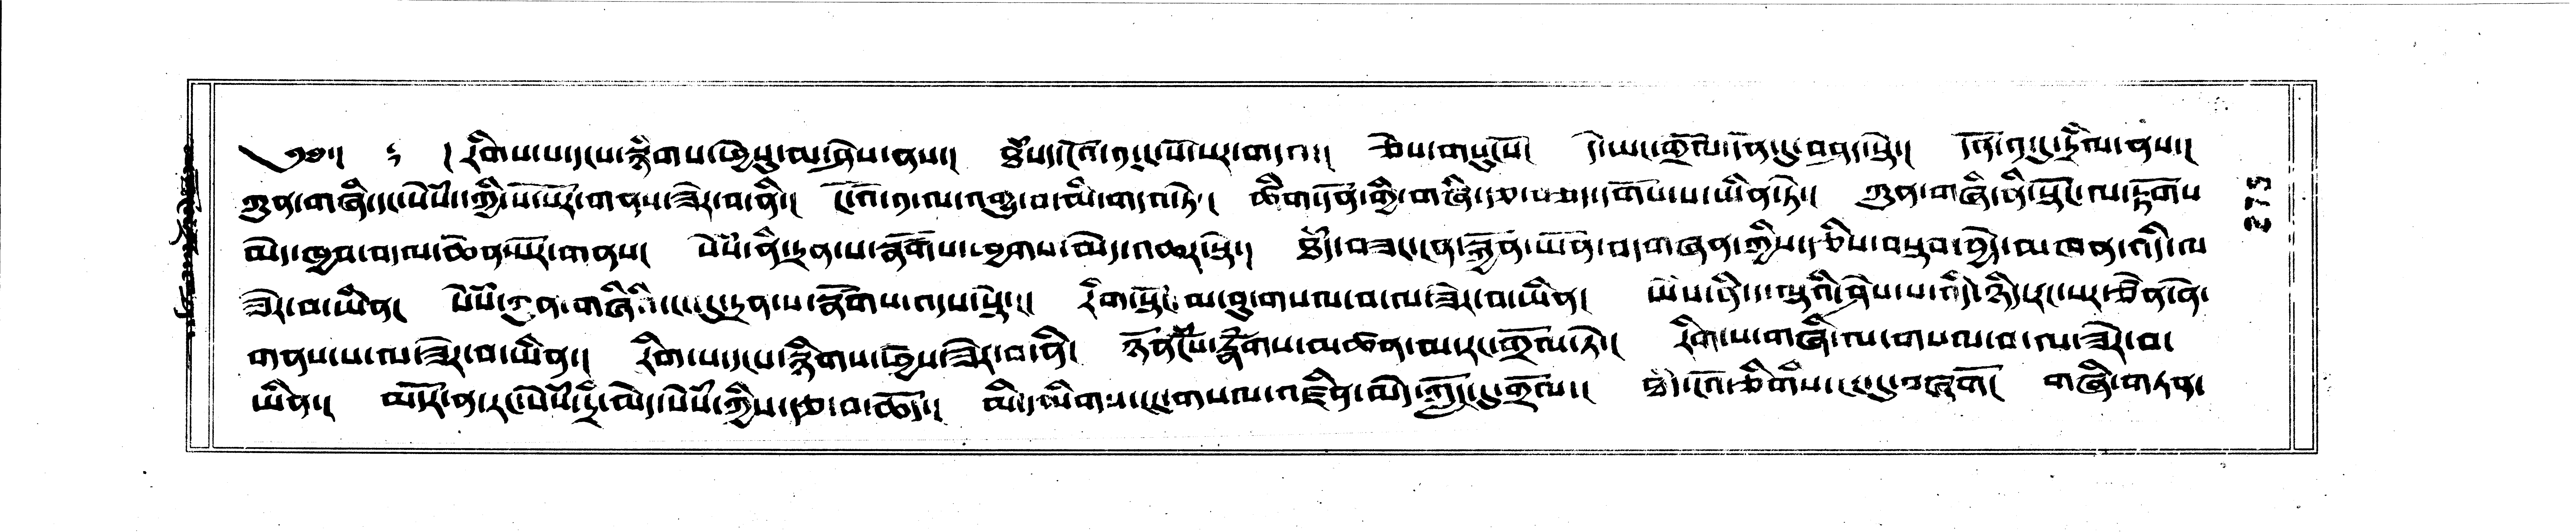རིག་པ་དང་དངས་སྙིག་ཕྱེད་དུ་མ་ཤེས་ན། ཐམས་ཅད་ངོའོ་གཅིག་སྟེ་སོ་སོར་གདའ་ཅེས་གསུངས་སོ། དེ་ཡང་བཀྲོལ་དོན་དུ་བཤད་དེ་དོན་གཅིག་དུ་དྲིལ་ན། 
ཀུན་གཞི་དང་སེམས་ཀྱང་སོ་སོར་གནས་ཟེར་བ་ནི། ངོའོ་གཅིག་ལས་འགྱུར་བ་མི་གདའ་སྟེ། ཚིགས་ཀྱི་༼ཚིག་གི་༽དོན་ནི་གཞི་རྩ་བཅད་དགོས་པ་ཡིན་ཏེ། ཀུན་གཞི་ནི་སྟོང་ལ་རྟོག་
མེད་ཁྱབ་བདལ་ཆེན་པོ་གནས། སེམས་ནི་སྣ་ཚོགས་དྲན་པ་ཕྱོགས་མེད་འཆར་ཏེ། ཐམས་ཅད་ཀུན་བཟང་‘‘བཟང་ངན”སྐྱོན་ཡོན་བདག་གཞན་གྱིས་རྩི་བརྡབ་བྱེད་མཁན་འདི་ལ་
ཟེར་བ་ཡིན། སེམས་ཉིད་ནི་ཀུན་གཞིའི་ངང་དུ་དྲན་པ་སྣ་ཚོགས་འདས་ཏེ། རིག་སྟོང་མ་བུར་གསལ་བ་ལ་ཟེར་བ་ཡིན། ཡེ་ཤེས་ནི་ད་ལྟའི་ཤེས་པ་འདི་ཉིད་རང་སར་ཙེན་ནེ་
གསལ་བ་ཟེར་བ་ཡིན། རིག་པ་དངས་སྙིག་ཕྱེད་ཟེར་བ་ནི། ཉོན་མོངས་རྣམ་རྟོག་མཚན་མ་རང་སར་གྲོལ་ཏེ། རིག་པ་གཞི་ལ་གསལ་བ་ལ་ཟེར་བ་
ཡིན། མདོར་ན་རང་སེམས་དྲི་མེད་དོན་གྱིས་རྩ་བ་ཆོད། མི་དམིགས་ངང་གསལ་འཛིན་མེད་ངང་དུ་གྲོལ། ཐམས་ཅད་ངོའོ་གཅིག་གི་ངང་ལ་ཞོག གཞི་གཏན་